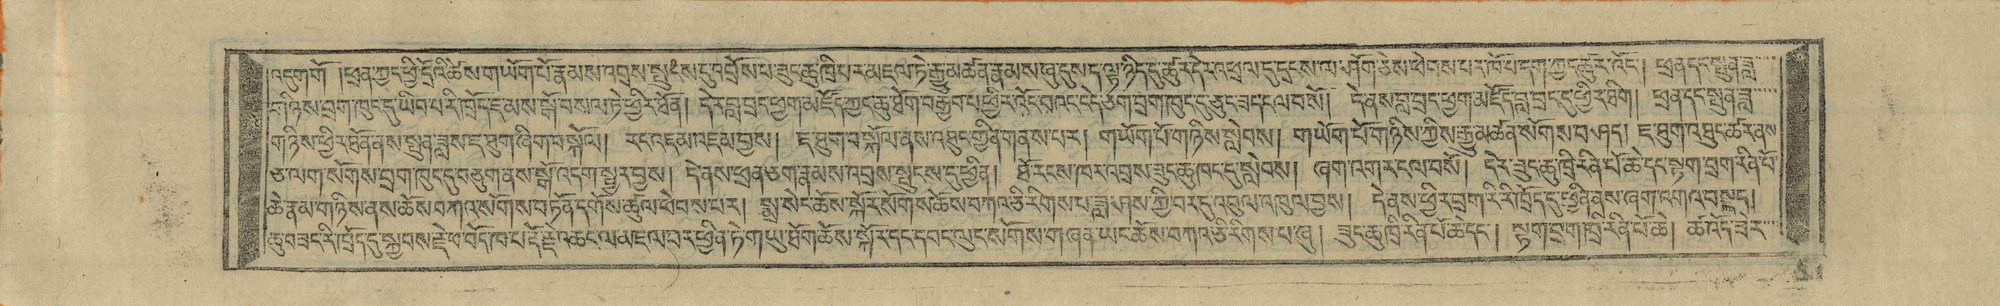འདུག་གོ །ཕྲན་ཀྱང་ཕྱི་དྲོའི་ཚེས་གཡོག་པོ་རྣམས་འབྲས་སྤུངས་དུ་འབྲོས་པ་ཟུང་ཆུ་ཁྲི་པར་མཇལ་ཏེ་རྒྱུ་མཚན་རྣམས་ཞུ་དུས་ད་ལྟ་ཉིད་དུ་ཚུར་དེར་འཕྲལ་དུ་དྲངས་ལ་ཤོག་ཅེས་ཕེབས་པར་ཁོ་པ་དག་ཀྱང་ཚུར་འོང་། ཕྲན་དང་སྤུན་ཟླ་
གཉིས་བྲག་ཁུང་དུ་ཡིབ་པ་རི་ཁྲོད་ཇ་མས་སྒོ་བསལ་ཏེ་ཕྱིར་ཐོན། དེར་བླ་བྲང་ཕྱག་མཛོད་ཀྱང་ཆུ་ཐོག་བརྒྱབ་པ་ཕྱིར་འོང་བའང་ངེད་ཅག་བྲག་ཁུང་དུ་ཅུང་ཟད་ངལ་བསོ། དེ་ནས་བླ་བྲང་ཕྱག་མཛོད་བླ་བྲང་དུ་ཕྱིར་ཐིག །ཕྲན་དང་སྤུན་ཟླ་
གཉིས་ཕྱིར་ཐོན་ནས་སྤུན་ཟླས་ཇ་ཐུག་ཞིག་བསྐོལ། རང་འཇམ་འཇམ་བྱས། ཇ་ཐུག་བསྐོལ་ནས་འཐུང་གྱིན་གནས་པར། གཡོག་པོ་གཉིས་སླེབས། གཡོག་པོ་གཉིས་ཀྱིས་རྒྱུ་མཚན་སོགས་བཤད། ཇ་ཐུག་འཐུང་ཚར་ནས་
ཅ་ལག་སོགས་བྲག་ཁུང་དུ་བཅུག་ནས་སྒོ་འདག་སྦྱར་བྱས། དེ་ནས་ཕྲན་ཅག་རྣམས་འབྲས་སྤུངས་དུ་ཕྱིན། ཐོ་རངས་ཁར་འབྲས་ཟུང་ཆུ་ཁང་དུ་སླེབས། ཞག་འགར་ངལ་བསོ། དེར་ཟུང་ཆུ་ཁྲི་རིན་པོ་ཆེ་དང་སྟག་བྲག་རིན་པོ་
ཆེ་རྣམས་གཉིས་ནས་ཆོས་བཀའ་སོགས་བཏོན་དགོས་ཚུལ་ཕེབས་པར། སྨྲ་སེང་ཆོས་སྐོར་སོགས་ཆོས་བཀའ་ཅི་རིགས་པ་ཟླ་ཤས་ཀྱི་བར་དུ་འབུལ་འཁུལ་བྱས། དེ་ནས་ཕྱིར་བྲག་རི་རི་ཁྲོད་དུ་ཕྱིན་ནས་ཞག་འགའ་བསྡད།
ཆུ་བཟང་རི་ཁྲོད་དུ་སྐྱབས་རྗེ་ཕ་བོད་ཁ་པ་རྡོ་རྗེ་འཆང་ལ་མཇལ་བར་ཕྱིན་ཏེ་གཡུ་ཐོག་ཆོས་སྐོར་དང་དབང་ལུང་སོགས་གཞན་ཡང་ཆོས་བཀའ་ཅི་རིགས་པ་ཞུ། ཟུང་ཆུ་ཁྲི་རིན་པོ་ཆེ་དང་། སྟག་པྲག་ཁྲི་རིན་པོ་ཆེ། ཚ་འོད་ཟེར་